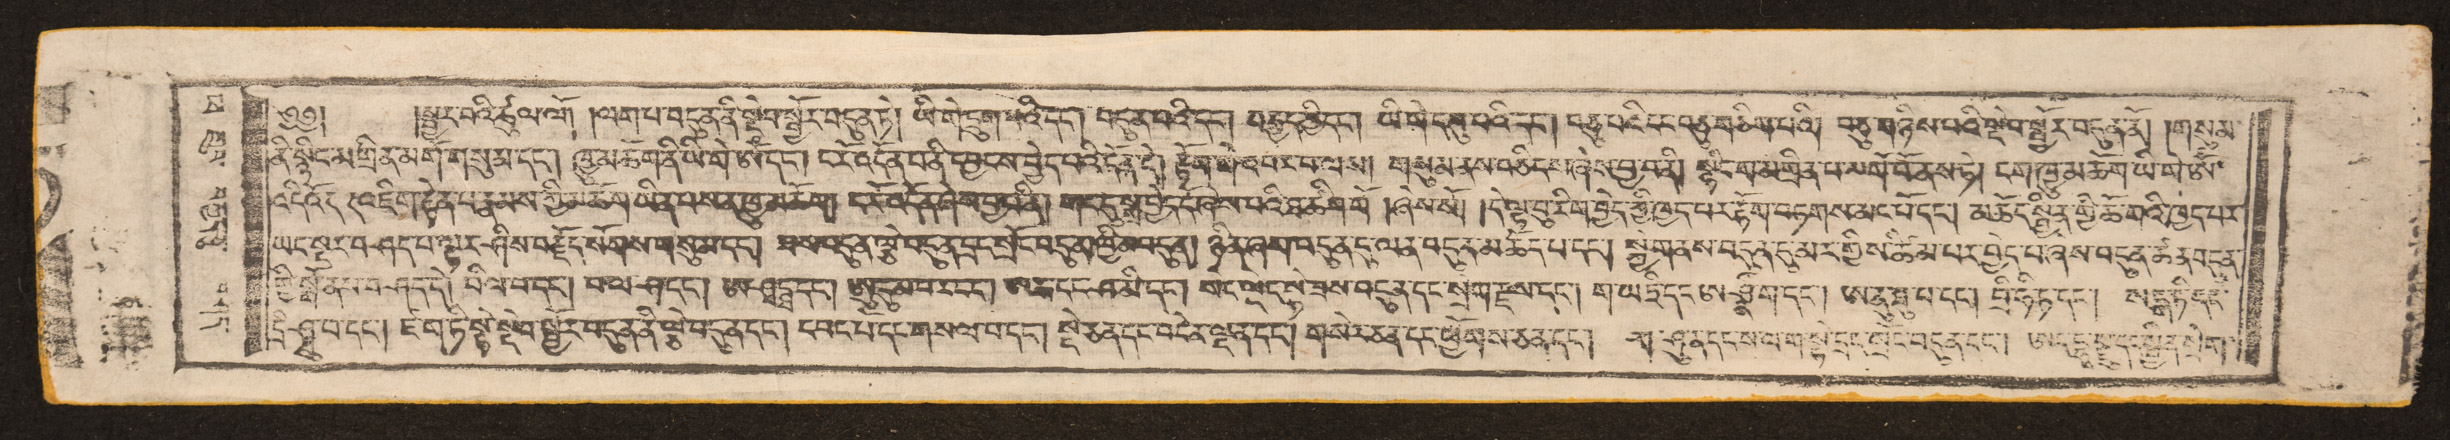༄༅། །སྦྱར་བའི་ཚུལ་ལོ། །ལག་པ་བདུན་ནི་སྡེབ་སྦྱོར་བདུན་ཏེ། ཡི་གེ་དྲུག་པའི་དང་། བདུན་པའི་དང་། བརྒྱད་ཀྱི་དང་། ཡི་གེ་དགུ་པའི་དང་། བཅུ་པའི་དང་བཅུ་གཅིག་པའི། བཅུ་གཉིས་པའི་སྡེབ་སྦྱོར་བདུན་ནོ། །གསུམ་
ནི་སྙིང་མགྲིན་མགོ་གསུམ་དང་། ཁྱུ་མཆོག་ནི་ཡི་གེ་ཨོཾ་དང་། ང་རོ་འདོན་པ་ནི་དབྱངས་བྱེད་པའི་དོན་དེ། རྟོག་གེ་འབར་བ་ལས། གསུམ་ནས་བཅིངས་ཞེས་བྱ་བ་ནི། སྙིང་ག་མགྲིན་པ་མགོ་བོ་ནས་ཏེ། དག་ཁྱུ་མཆོག་ཡི་གེ་ཨོཾ་
འདིའོ། །འཇིག་རྟེན་པ་རྣམས་ཀྱི་མཆོག་ཡིན་པས་ན་ཁྱུ་མཆོག། ང་རོ་འདོན་ཞེས་བྱ་བ་ནི། གང་དུ་སྒྲ་བྱེད་དོ་ཞེས་པའི་ཐ་ཚིག་གོ །ཞེས་སོ། །དེ་ལྟ་བུ་རིག་བྱེད་ཀྱི་ཁྱད་པར་རྟོག་བཏགས་མང་པོ་དང་། མཆོད་སྦྱིན་གྱི་ཆོ་གའི་ཁྱད་པར་
ཡང་སཱར་བཤད་པ་ལྟར་ཤིས་བརྗོད་སོགས་གསུམ་དང་། ཟས་བདུན་ལྕེ་བདུན་དྲང་སྲོང་བདུན། ཁྱིམ་བདུན། ཉིན་ཞག་བདུན་དུ་ལན་བདུན་མཆོད་པ་དང་། སྐྱེ་གནས་བདུན་དུ་མར་གྱིས་ཚིམ་པར་བྱེད་པ་ཞེས་བདུན་ཚན་བདུན་
གྱི་སྒོ་ནས་བཤད་དེ། བིལ་བ་དང་། བ་ལ་ཤ་དང་། ཨ་ཤྭདྠ་དང་། ཨུ་དུམ་བར་དང་། ཨརྐ་དང་ཤ་མི་དང་། སེང་ལྡེང་སྟེ་ཟས་བདུན་དང་སྲེག་རྫས་དང་། ག་ཡ་ཏྲི་དང་ཨ་ཤྣིག་དང་། ཨནུ་ཐུ་པ་དང་། བྲི་ཧི་ཏ་དང་། སངྒ་ཏི་དང་
དྲི་ཤྠུ་བ་དང་། ཛ་ག་ཏེ་སྟེ་སྡེབ་སྦྱོར་བདུན་ནི་ལྕེ་བདུན་དང་། དབང་པོ་དང་གསལ་བ་དང་། སྡེ་ཅན་དད་བདེན་ལྡན་དང་། གསེར་ཅན་དང་ཕྱོགས་ཅན་དང་། ཀ་ཤུན་དང་ས་ལག་སྟེ་དྲང་སྲོང་བདུན་དང་། ཨད་དྷྭ་སྠུ་?་དང་སྦྱིན་སྲེད་